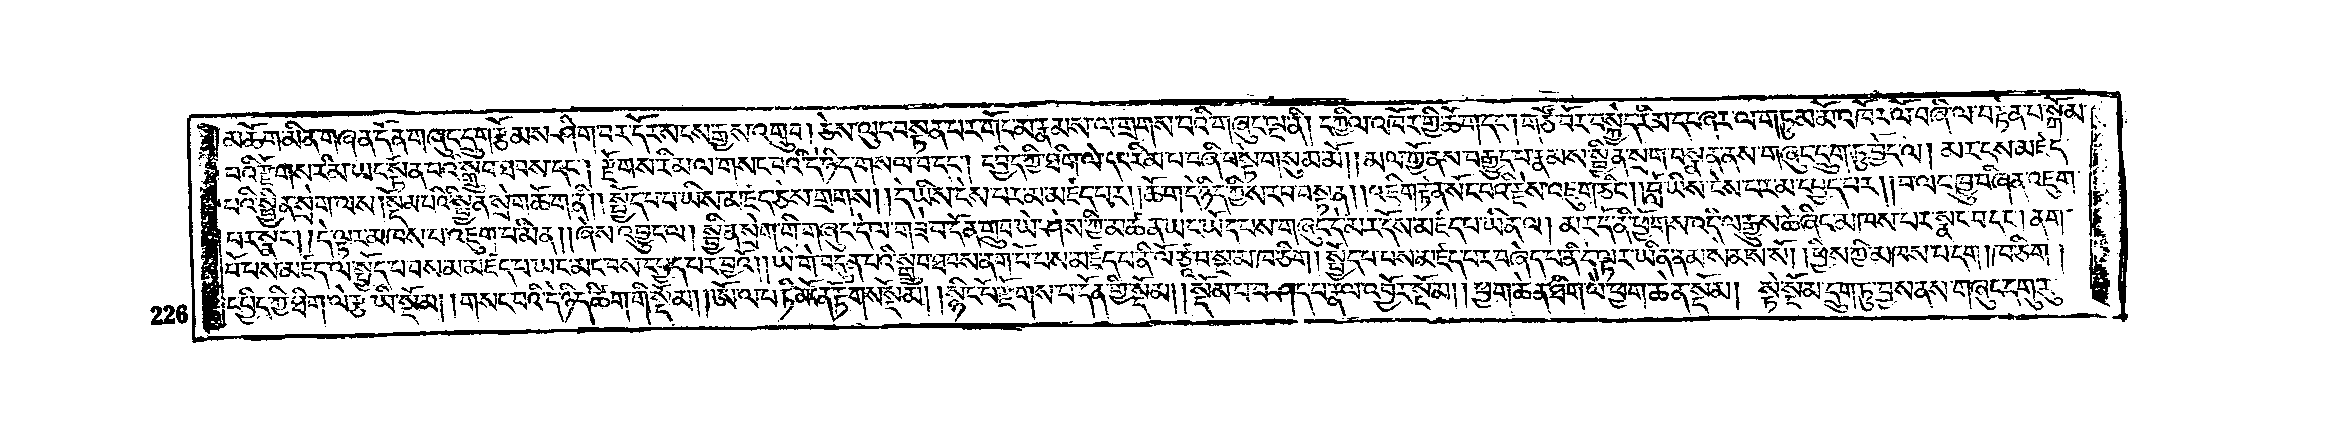མཆོག་མིན་གཞན་དོན་གཞུང་དྲུག་རྩོམས་ཤིག་བར་དོར་སངས་རྒྱས་འགྲུབ། ཅེས་ལུང་བསྟན་པར་གོང་མ་རྣམས་ལ་གྲགས་པའི་གཞུང་ལྔ་ནི། དཀྱིལ་འཁོར་གྱི་ཆོ་ག་དང་། གཙོ་བོར་བསྐྱེད་རིམ་དང་ཞར་ལ་གཏུམ་མོ་འཁོར་ལོ་བཞི་ལ་བརྟེན་པ་སྒོམ་
པའི་རྫོགས་རིམ་ཡང་སྟོན་པའི་སྒྲུབ་ཐབས་དང་། རྫོགས་རིམ་ལ་གསང་བའི་དེ་ཉིད་གསལ་བ་དང་། དཔྱིད་ཀྱི་ཐིག་ལེ་དང་རིམ་པ་བཞི་པ་སྟེ་གསུམ་མོ། །མལ་གྱོ་ནས་བརྒྱུད་པ་རྣམས་སྦྱིན་སྲེག་བསྣན་ནས་གཞུང་དྲུག་ཏུ་བྱེད་ལ། མར་དོས་མཛད་
པའི་སྦྱིན་སྲེག་ལས། སྡོམ་པའི་སྦྱིན་སྲེག་ཆོ་ག་ནི། །སྤྱོད་པ་པ་ཡིས་མཛད་ཅེས་གྲགས། །དེ་ཡིས་ངེས་པར་མ་མཛད་པར། །ཆོ་ག་དེ་ཉིད་ཀྱིས་རབ་བསྟན། །འཇིག་རྟེན་སོང་བའི་རྗེས་འཇུག་ཅིང་། །བློ་ཡིས་ངེས་པར་མ་དཔྱད་པར། །བ་ལང་ཁྱུ་བཞིན་འཇུག་
པར་སྣང་། །དེ་ལྟར་མཁས་པ་འཇུག་པ་མིན། །ཞེས་འབྱུང་ལ། སྦྱིན་སྲེག་གི་གཞུང་དེ་ལ་གཟེ་བ་དོན་གྲུབ་ཡེ་ཤེས་ཀྱི་མཚན་ཡང་ཡོད་པས་གཞུང་དེ་མར་དོས་མཛད་པ་ཡིན་ལ། མར་དོ་ནི་ཕྱོགས་འདི་ལ་རྒྱུས་ཆེ་ཞིང་མཁས་པར་སྣང་བ་དང་། ནག་
པོ་པས་མཛད་ལ་སྤྱོད་པ་བས་མ་མཛད་པ་ཡང་མང་བས་དཔྱད་པར་བྱའོ། །ཡི་གེ་བདུན་པའི་སྒྲུབ་ཐབས་ནག་པོ་པས་མཛད་པ་ནི་ལོ་ཙཱ་བ་སྔ་མ་ཁ་ཅིག །སྤྱོད་པ་པས་མཛད་པར་བཞེད་པ་ནི་དེ་ལྟར་ཡིན་ནམ་སེམས་སོ། །ཕྱིས་ཀྱི་མཁས་པ་དག །ཁ་ཅིག །
དཔྱིད་ཀྱི་ཐིག་ལེ་རྩ་ཡི་སྡོམ། །གསང་བའི་དེ་ཉིད་ཚིག་གི་སྡོམ། །ཨོ་ལ་པ་ཏི་མངོན་རྟོགས་སྡོམ། །སྙིང་པོ་རྫོགས་པ་དོན་གྱི་སྡོམ། །སྡོམ་པ་བཤད་པ་རྣལ་འབྱོར་སྡོམ། །ཕྱག་ཆེན་ཐིག་ལེ་ཕྱག་ཆེན་སྡོམ། སྟེ་སྡོམ་དྲུག་ཏུ་བྱས་ནས་གཞུང་དགུ་རུ་